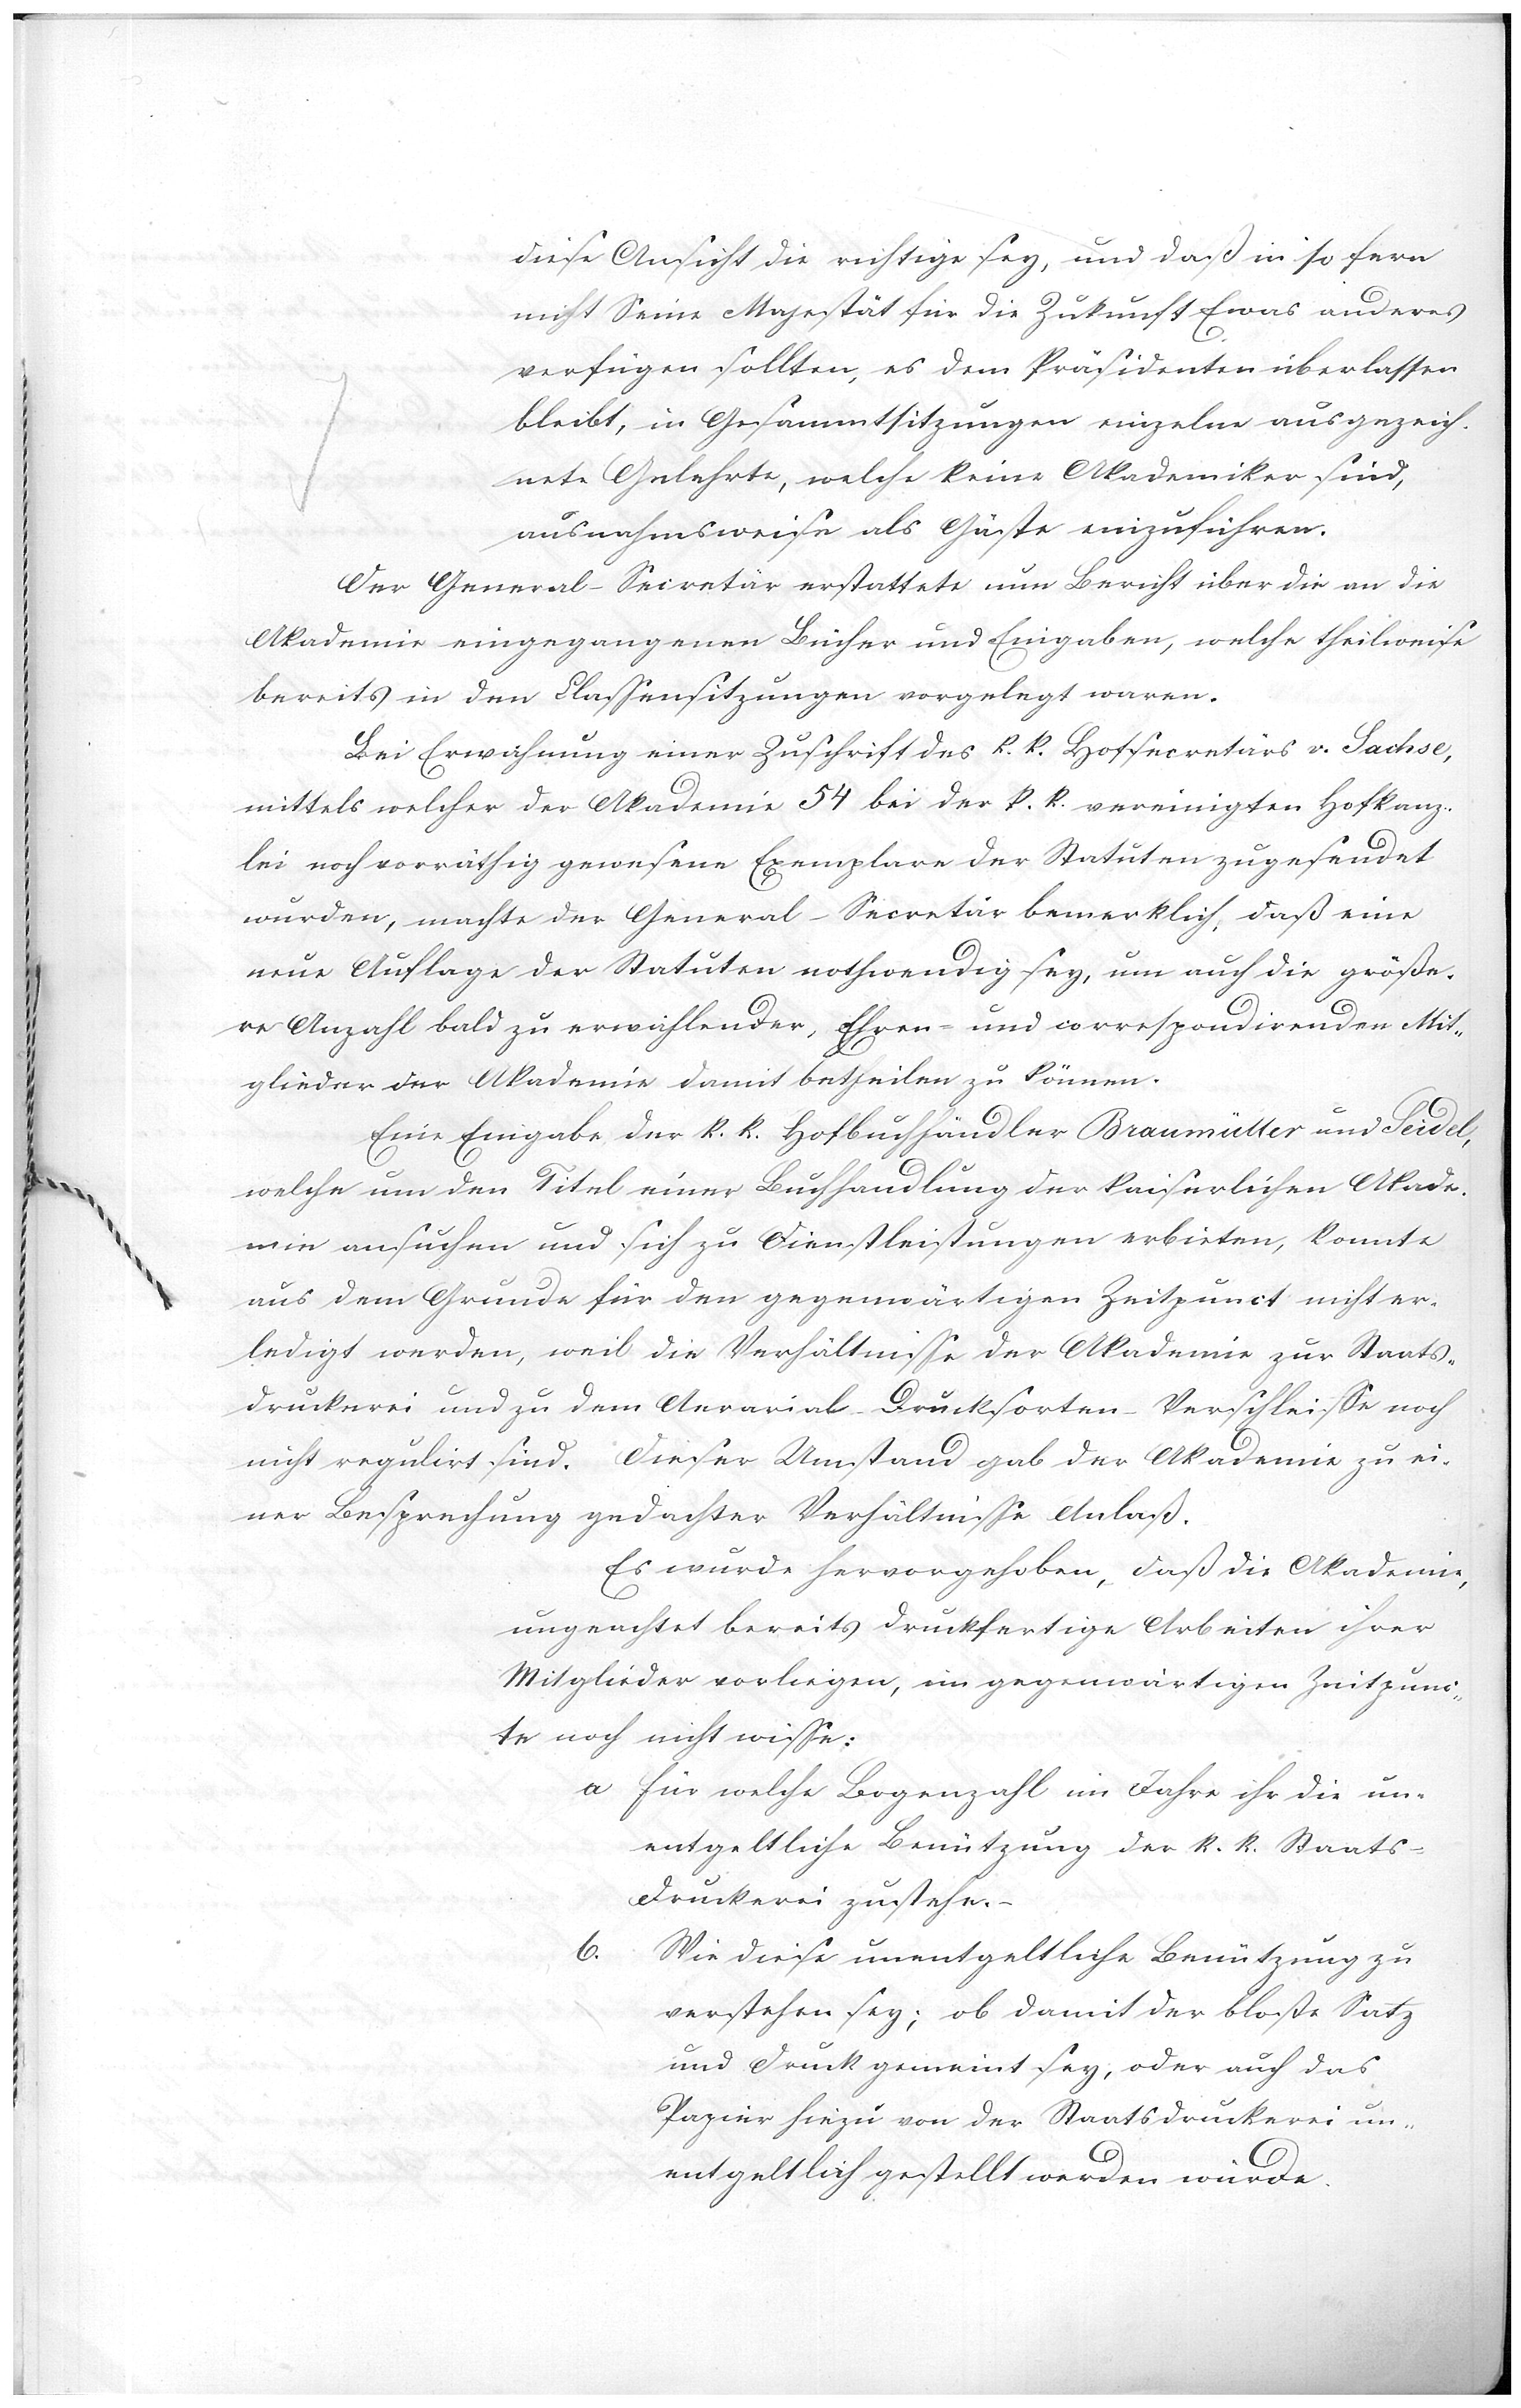diese Ansicht die richtig sey, und daß in so fern
nicht Seine Majestät für die Zukunft Ewas anderes
verfügen sollten, es dem Präsidenten überlassen
bleibt, in Gesammtsitzungen einzelne ausgezeich-
nete Gelehrte, welche keine Akademiker sind,
ausnahmsweise als Gäste einzuführen.
Der General-Secretär erstattete nun Bericht über die an die
Akademie eingegangenen Bücher und Eingaben, welche theilweise
bereits in den Classensitzungen vorgelegt waren.
Bei Erwähnung einer Zuschrift des k.k. Hofsecretärs v. Sachse,
mittels welcher der Akademie 54 bei der k.k. vereinigten Hofkanz-
lei noch vorräthig gewesene Exemplare der Statuten zugesendet
wurden, machte der General-Secretär bemerklich, daß eine
neue Auflage der Statuten nothwendig sey, um auch die größe-
re Anzahl bald zu erwählender, Ehren- und correspondirenden Mit-
glieder der Akademie damit betheilen zu können.
Eine Eingabe der k.k. Hofbuchhändler Braumüller und Seidel,
welche m den Titel einer Buchhandlung der Kaiserlichen Akade-
mie ansuchen und sich zu Dienstleistungen erbieten, konnte
aus dem Grunde für den gegenwärtigen Zeitpunct nicht er-
ledigt werden, weil die Verhältnisse der Akademie zur Staats-
druckerei und zu dem Aerarial-Drucksorten-Verschleisse noch
nicht regulirt sind. Dieser Umstand gab der Akademie zu ei-
ner Besprechung gedachter Verhältnisse Anlaß.
Es wurde hervorgehoben, daß die Akademie,
ungeachtet bereits druckfertige Arbeiten ihrer
Mitglieder vorliegen, im gegenwärtigen Zeitpunc-
te noch nicht wisse:
a. Für welche Bogenzahl im Jahre ihr die un-
entgeltliche Benützung der k.k. Staats-
druckerei zustehe.
b. Wie diese unentgeltliche Benützung zu
verstehen sey; ob damit der bloße Satz-
und Druck gemeint sey, oder auch das
Papier hiezu von der Staatsdruckerei un-
entgeltlich gestellt werden würde.